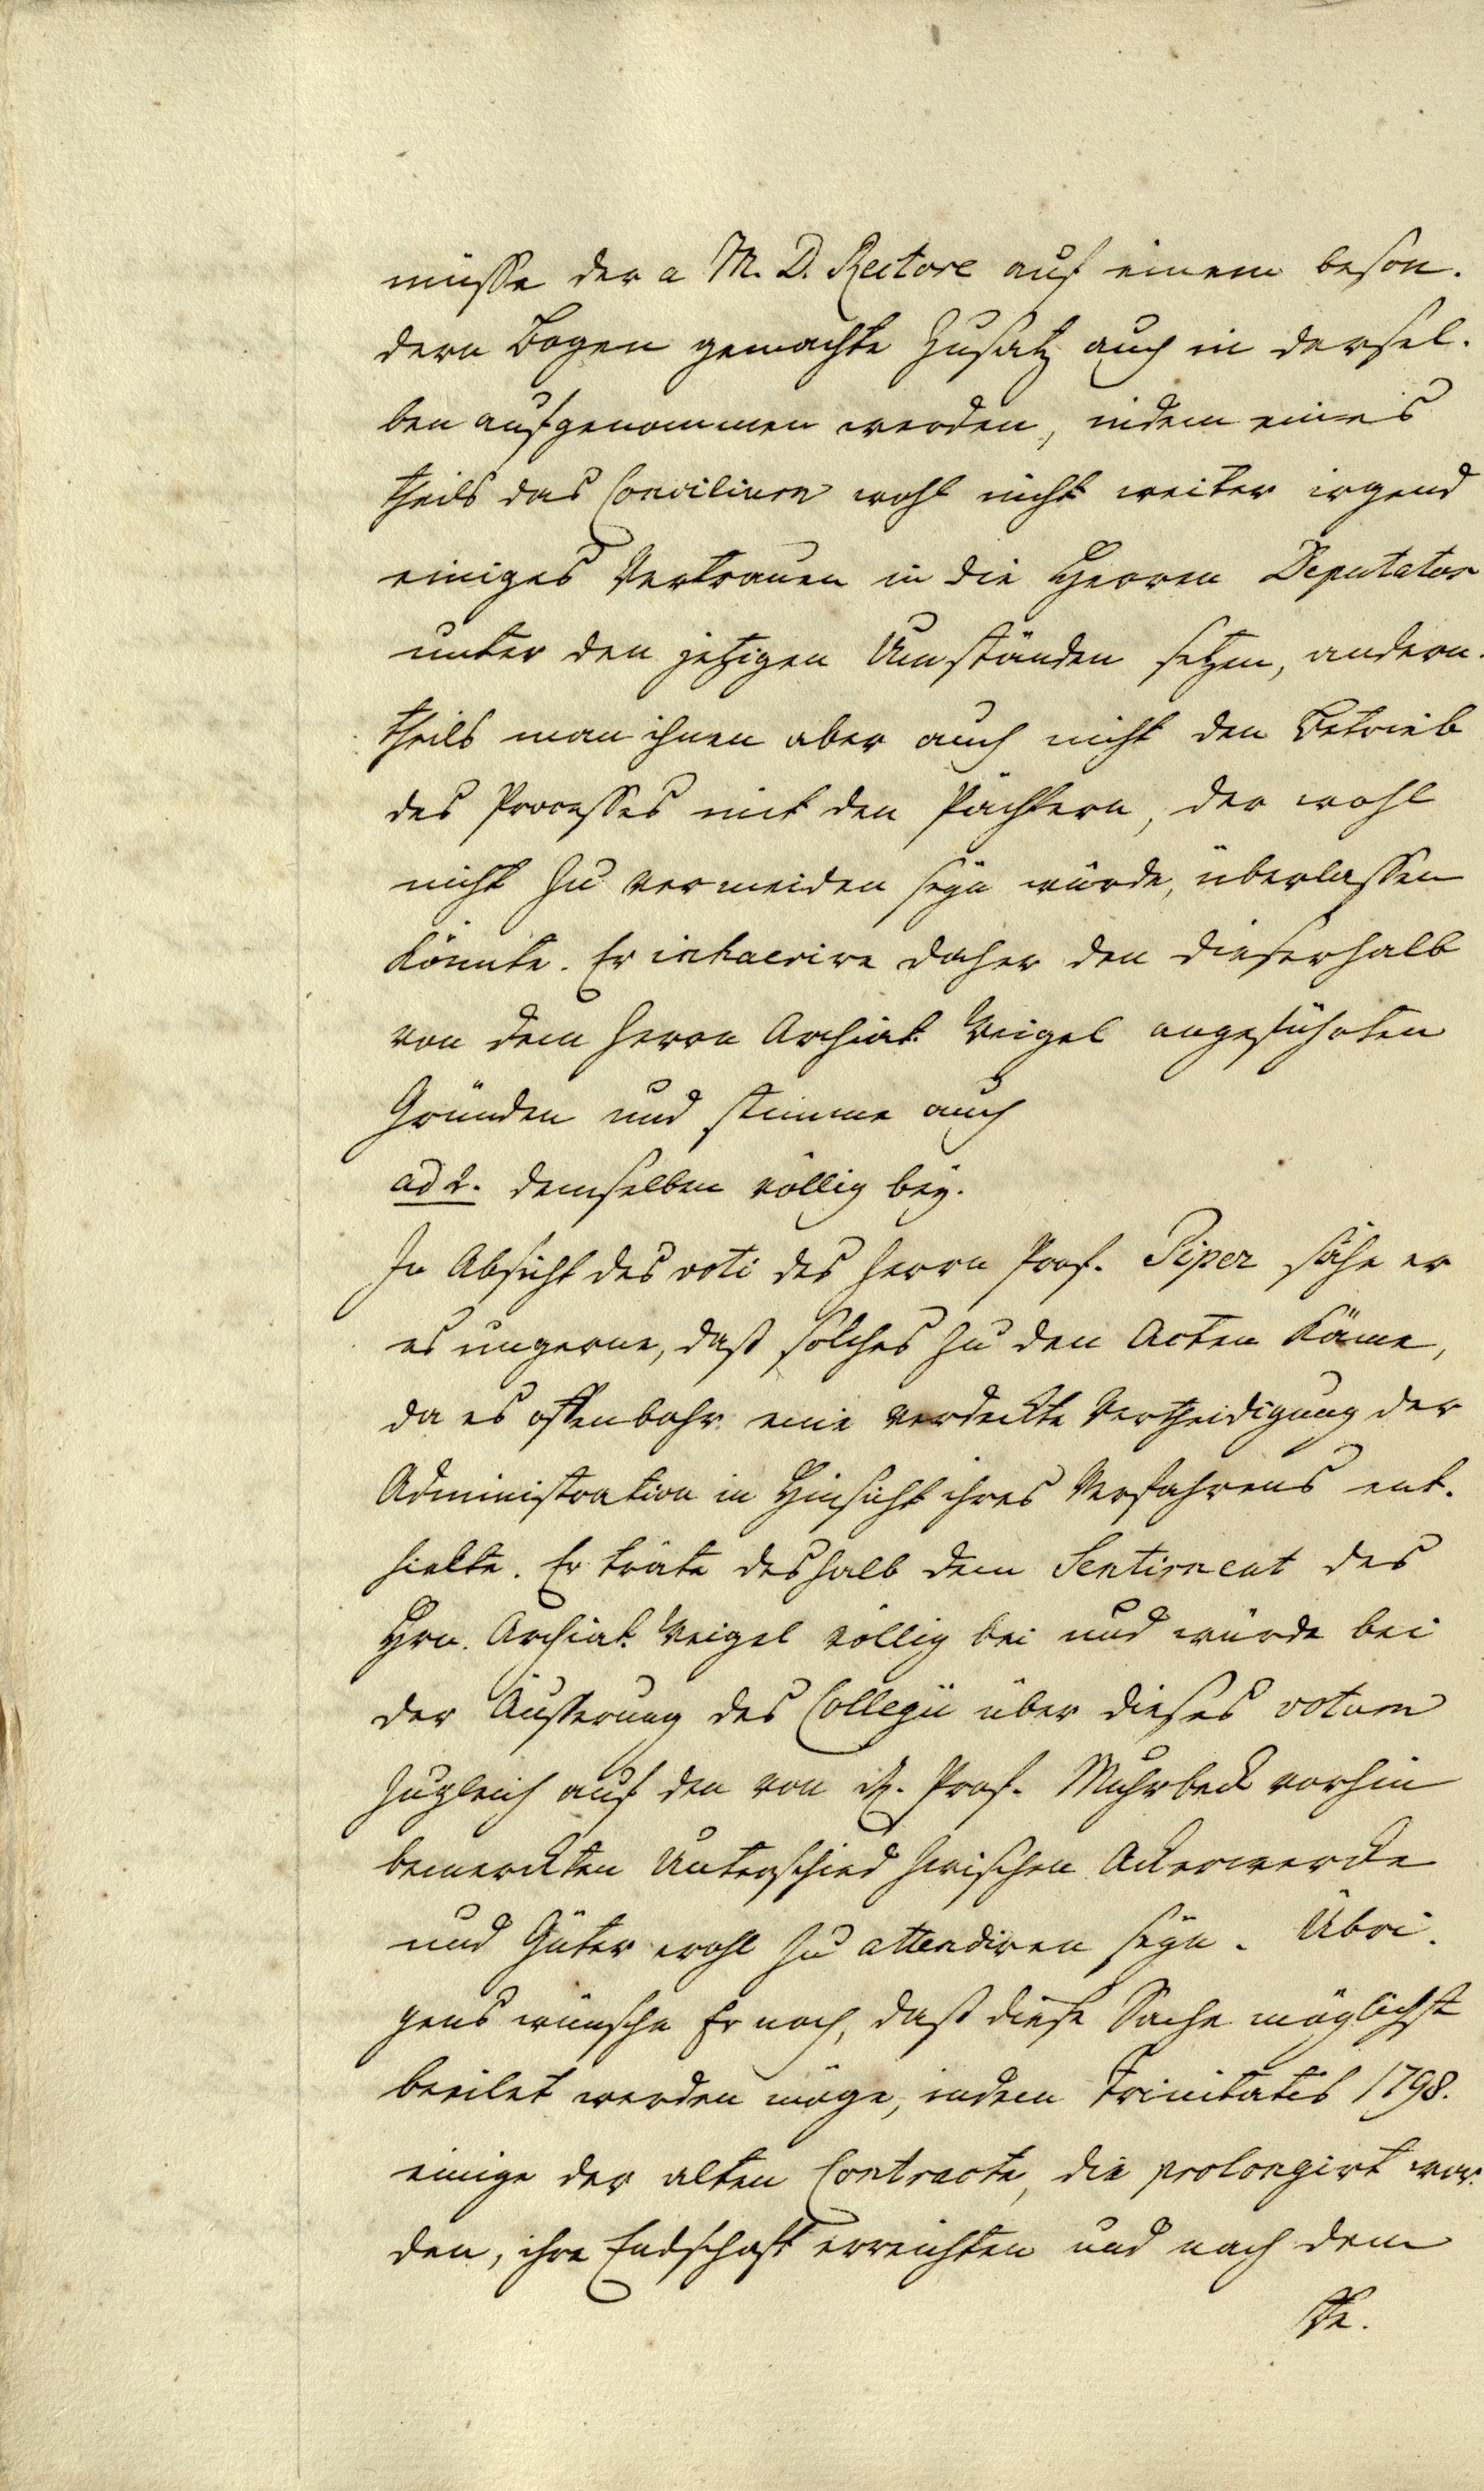müsse der a M. D. Rectore auf einem beson¬
dern Bogen gemachte Zusatz auch in dersel¬
ben auf genommen werden, indem eines
theils das Concilium wohl nicht weiter irgend
einiges Vertrauen in die Herren Deputatos
unter den jetzigen Umständen setzen, andern¬
theils man ihnen aber auch nicht den Betrieb
des Processes mit den Pächtern, der wohl
nicht zu vermeiden seÿn würde, überlassen
könnte. Er inhaerire daher den dieserhalb
von dem Herrn Archiat. Weigel angeführten
Gründen und stimme auch
ad 2. demselben völlig beÿ.
In Absicht des voti des Herrn Prof. Piper sähe er
es ungerne, daß solches zu den Acten käme,
da es offenbahr eine verdeckte Vertheidigung der
Administration in Hinsicht ihres Verfahrens ent¬
hielte. Er träte deshalb dem Sentiment des
Hern. Archiat. Weigel völlig bei und würde bei
der Äusserung des Collegii über dieses votum
zugleich auf den von dh. Prof. Muhrbeck vorhin
bemerckten Unterschied zwischen Ackerwercke
und Güter wohl zu attendiren seÿn . Übri¬
gens wünsche Er noch, daß diese Sache möglichst
beeilet werden möge, indem Trinitatis 1798.
einige der alten Contracte, die prolongirt wor¬
den, ihre Endschaft erreichten und nach dem
Re